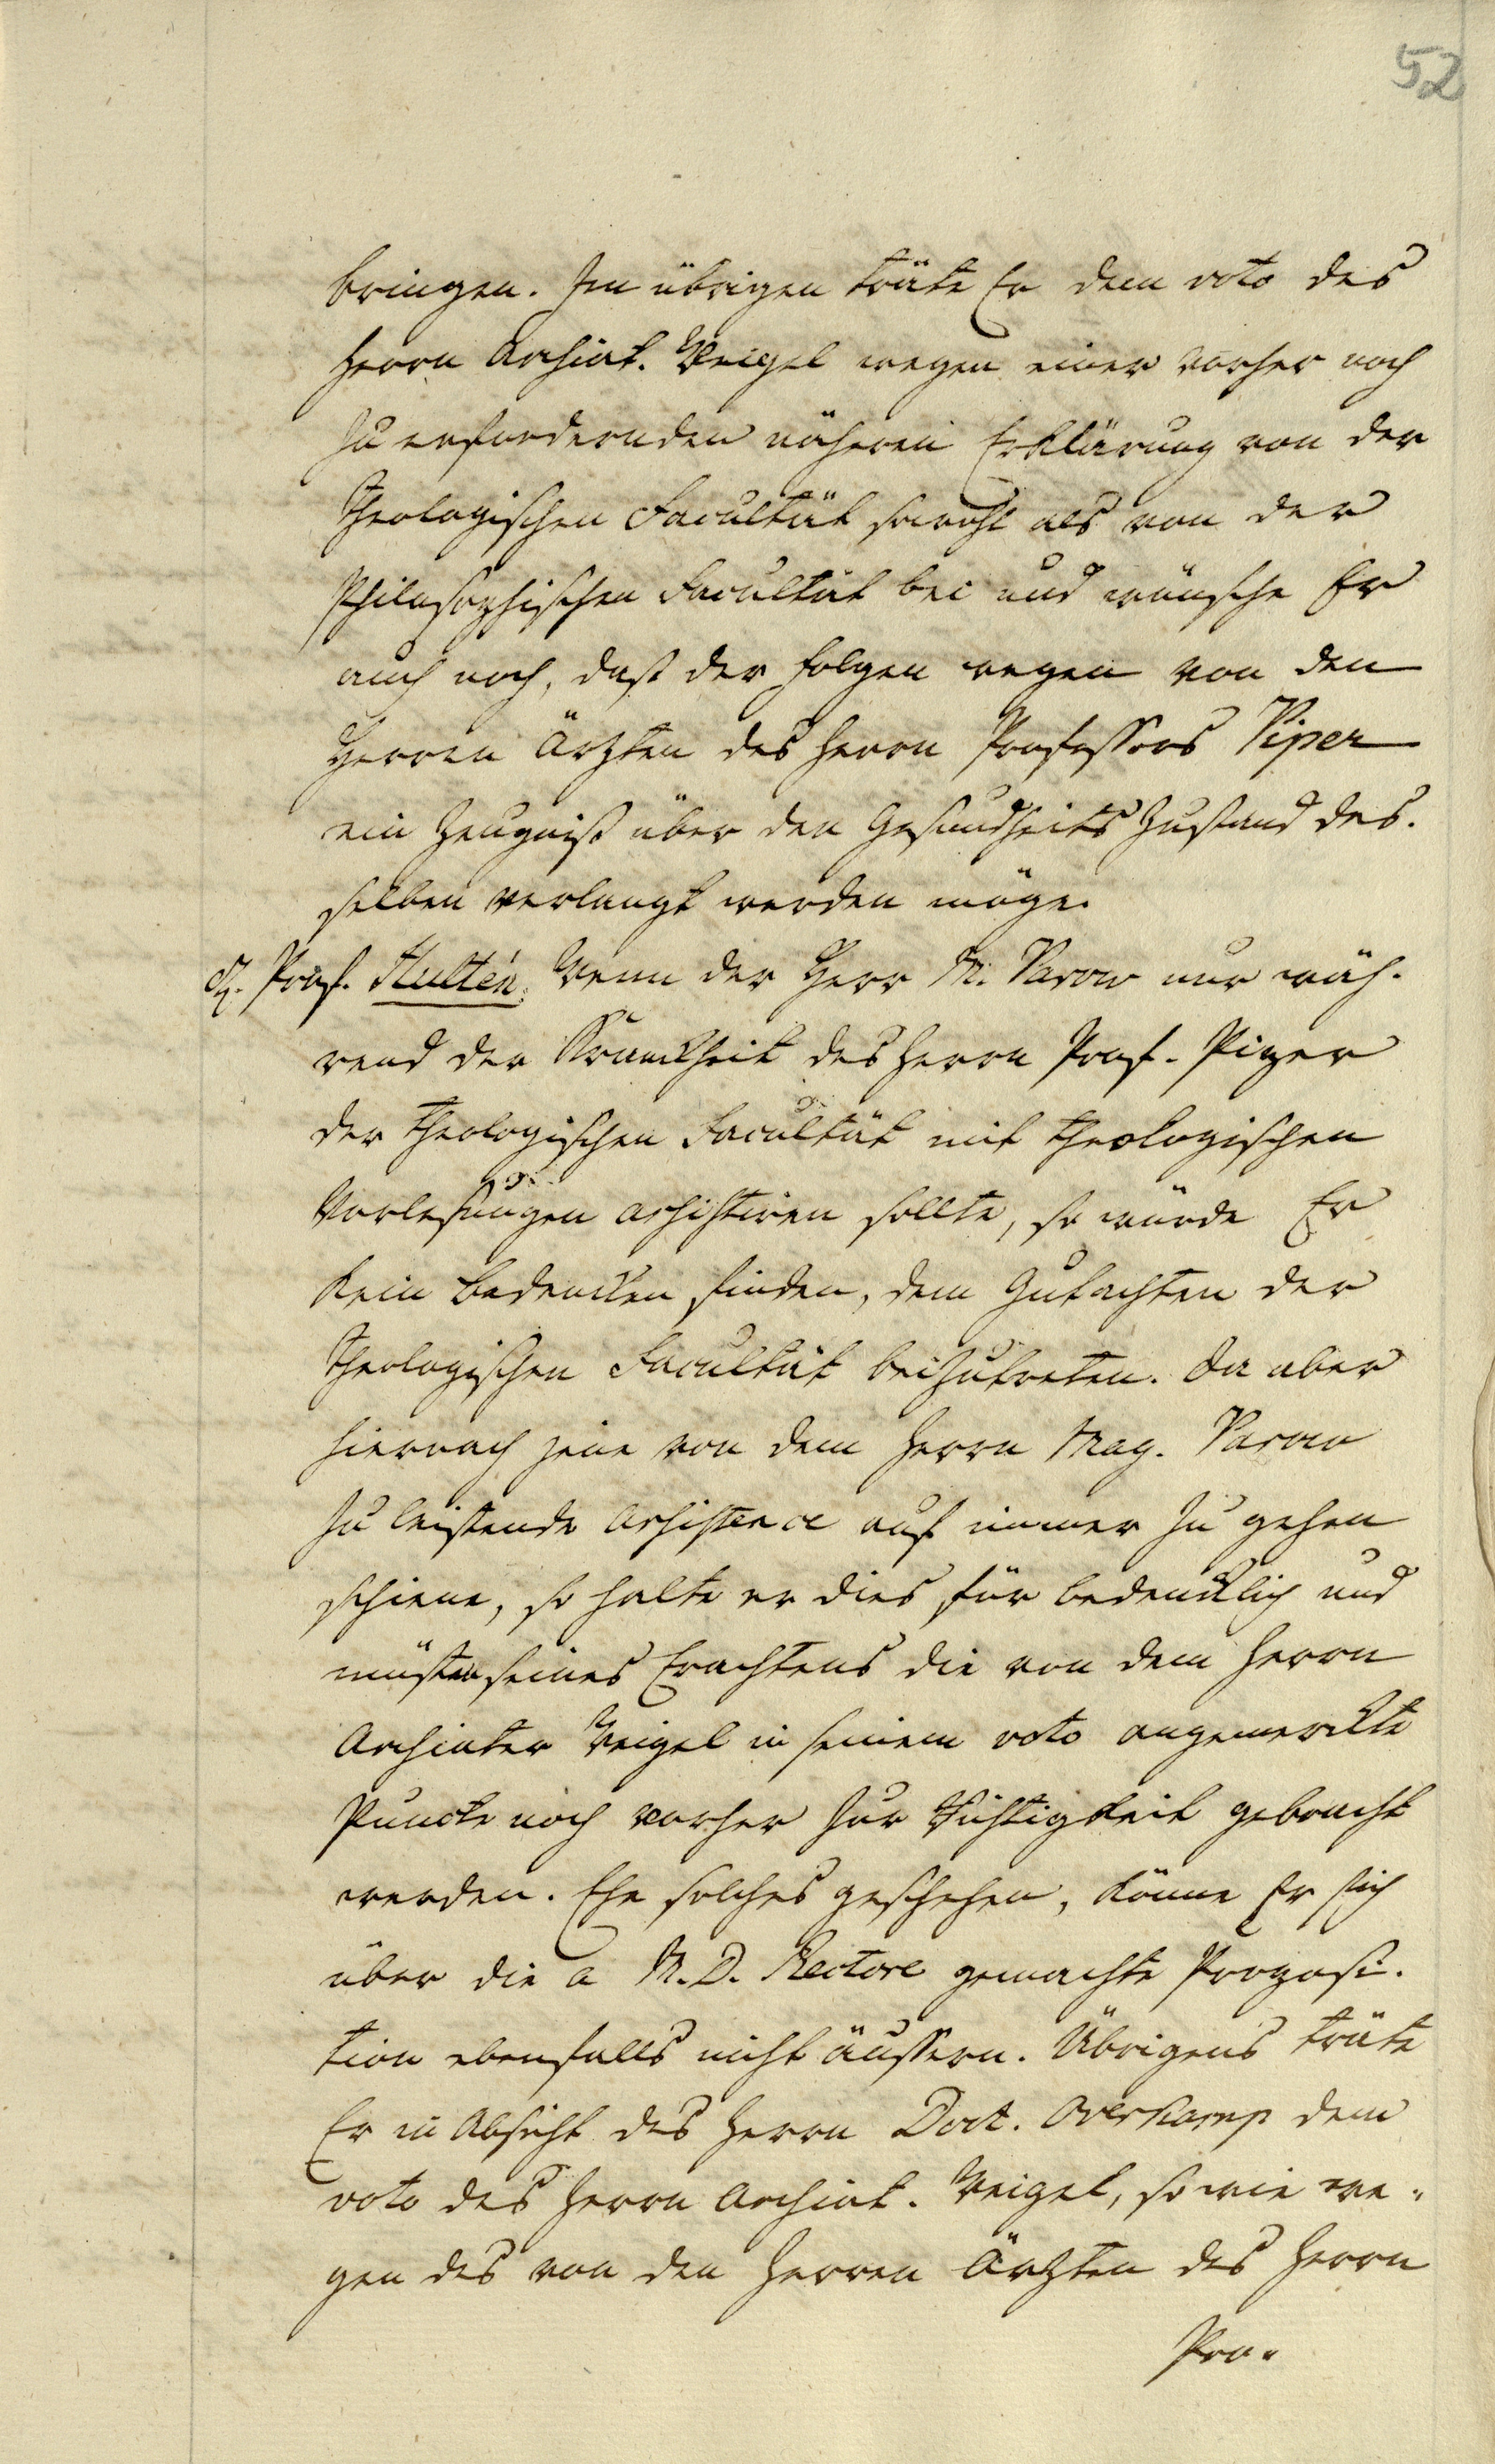bringen. Im übrigen träte Er dem voto des
Herrn Archiat. Weigel wegen einer vorher noch
zu erfordernden näheren Erklärung von der
Theologischen Facultät sowohl als von der
Philosophischen Facultät bei und wünsche Er
auch noch, daß der Folgen wegen von den
Herren Ärzten des Herrn Professors Piper
ein Zeugniß über den Gesundheits zustand des¬
selben verlangt werden möge.
dh. Prof. Hultén. Wenn der Herr M. Parow nur wäh¬
rend der Kranckheit des Herrn Prof. Piper
der Theologischen Facultät mit Theologischen
Vorlesungen assistiren sollte, so würde Er
keine Bedencken finden, dem Gutachten der
Theologischen Facultät beizutreten. Da aber
hiernach jene von dem Herrn Mag. Parow
zu leistende Assistence auf immer zu gehen
schiene, so halte er dies für bedencklich und
müsten seines Erachtens die von dem Herrn
Archiater Weigel in seinem voto angemerckte
Puncte noch vorher zur Richtigkeit gebracht
werden. Ehe solches geschehen, könne Er sich
über die a M. D. Rectore gemachte Proposi¬
tion ebenfalls nicht äussern. Übrigens träte
Er in Absicht des Herrn Doct. Overkamp dem
voto des Herrn Archiat. Weigel, so wie we¬
gen des von den Herren Ärzten des Herrn
Pro¬